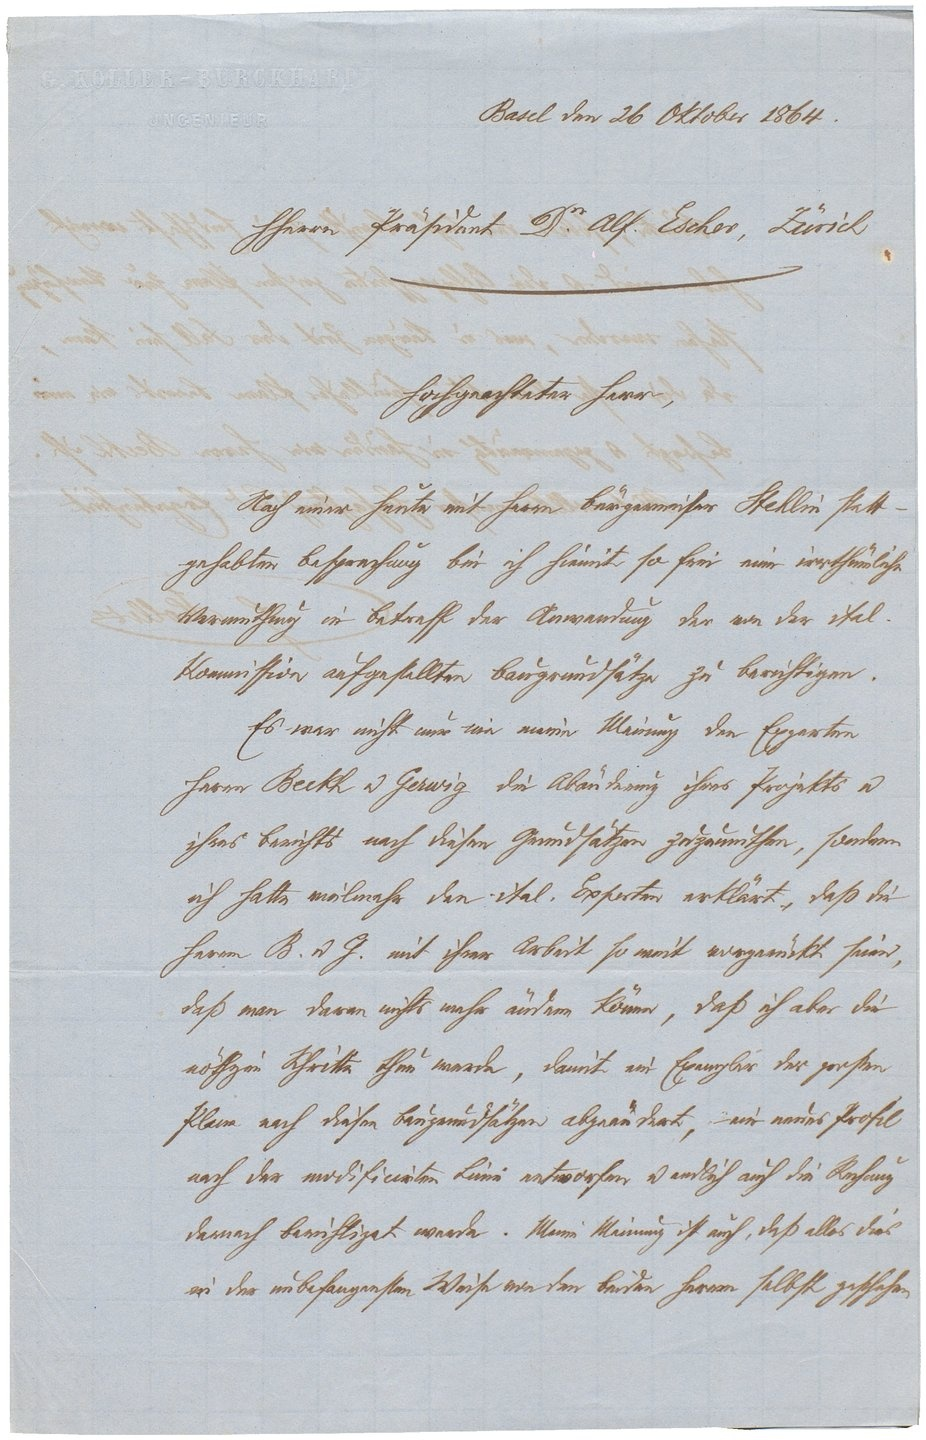Basel den 26 Oktober 1864.
HHerrn Präsident Dr Alf. Escher, Zürich
Hochgeachteter Herr,
Nach einer heute mit Herrn Bürgermeister Stehlin statt-
gehabten Besprechung bin ich hiemit so frei eine irrthümliche
Vermuthung in Betreff der Anwendung der von der ital.
Kommission aufgestellten Baugrundsätze zu berichtigen.
Es war nicht nur nie meine Meinung den Experten
Herrn Beckh & Gerwig die Abänderung ihres Projekts &
ihres Berichts nach diesen Grundsätzen zuzumuthen, sondern
ich hatte vielmehr den ital. Experten erklärt, daß die
Herrn B. & G. mit ihrer Arbeit so weit vorgerückt seien,
daß man daran nichts mehr ändern könne, daß ich aber die
nöthigen Schritte thun werde, damit ein Exemplar der großen
Plane nach diesen Baugrundsätzen abgeändert, ein neues Profil
nach der modificirten Linie entworfen & endlich auch die Rechnung
darnach berichtiget werde. Meine Meinung ist auch, daß alles dies
in der unbefangensten Weise von den beiden Herren selbst geschehen